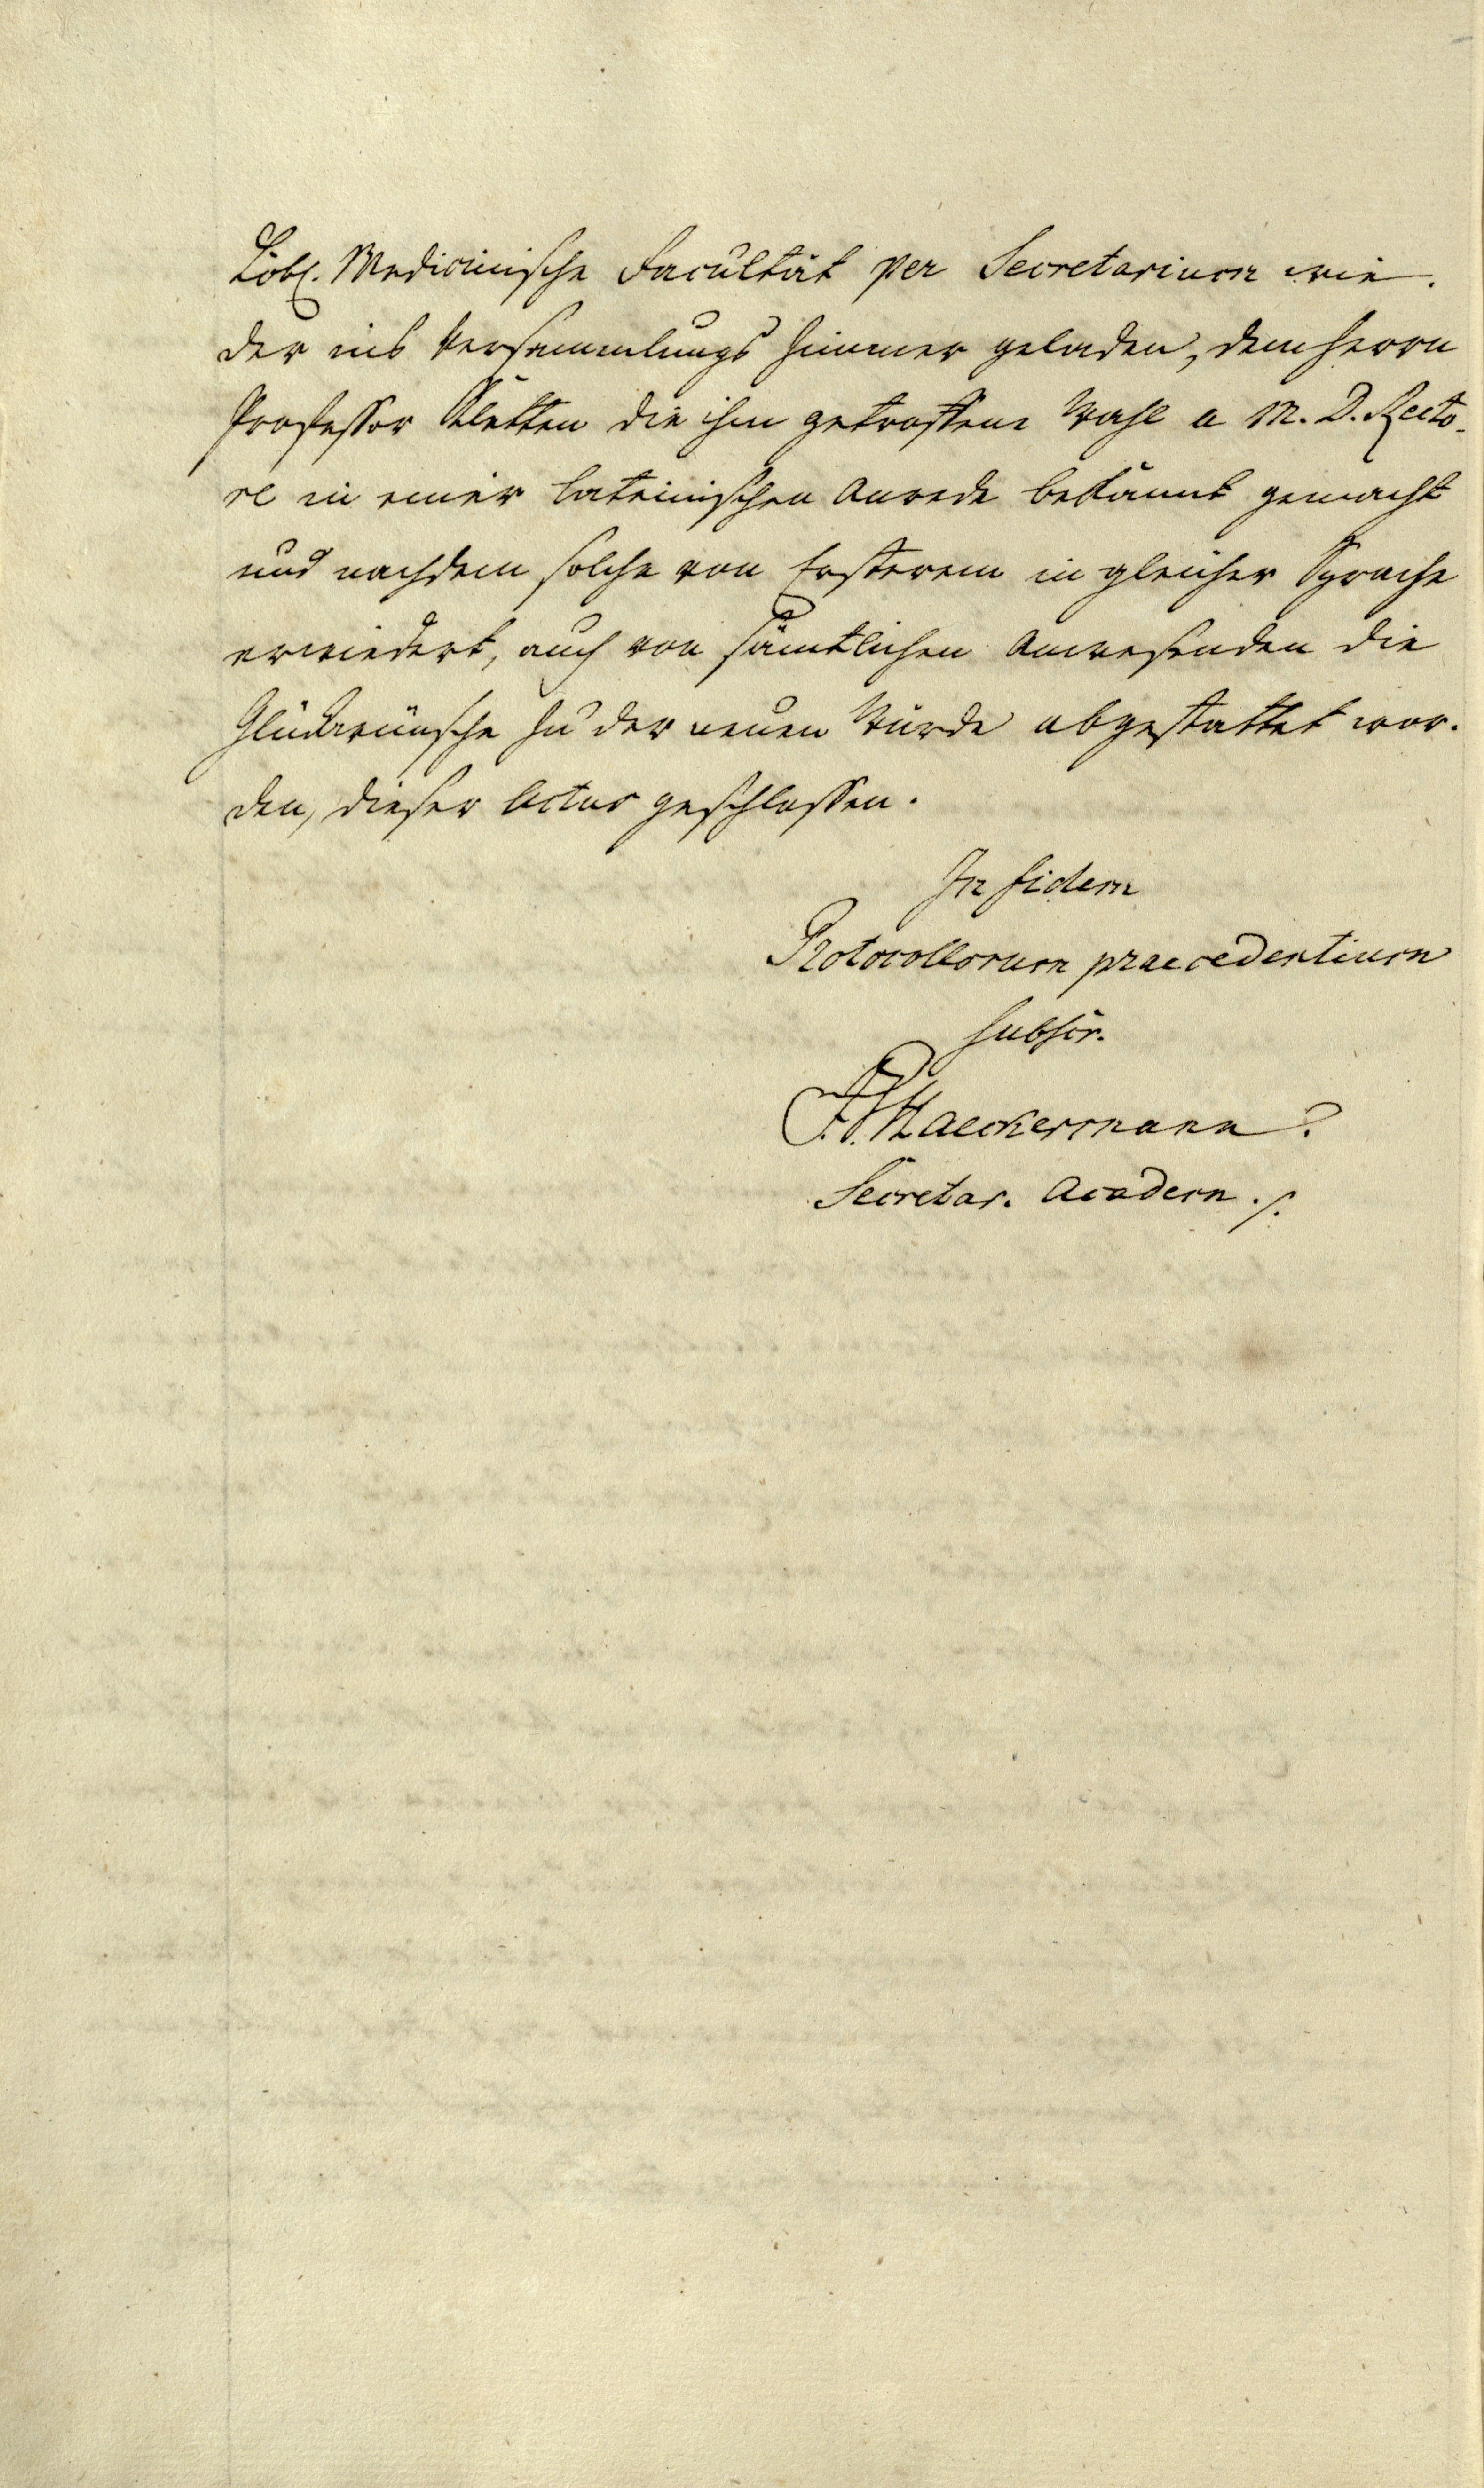Löbl. Medicinische Facultät per Secretarium wie¬
der ins Versammlungs Zimmer geladen, dem Herrn
Professor Kletten die ihm getroffene Wahl a M. D. Recto¬
re in einer lateinischen Anrede bekannt gemacht
und nachdem solche von Ersterem in gleicher Sprache
erwiedert, auch von sämtlichen Anwesenden die
Glückwünsche zu der neuen Würde abgestattet wor¬
den, dieser Actus geschlossen.
In fidem
Protocollorum praecedentium
subscr.
J. G.Haeckermann
Secretar. Academ.